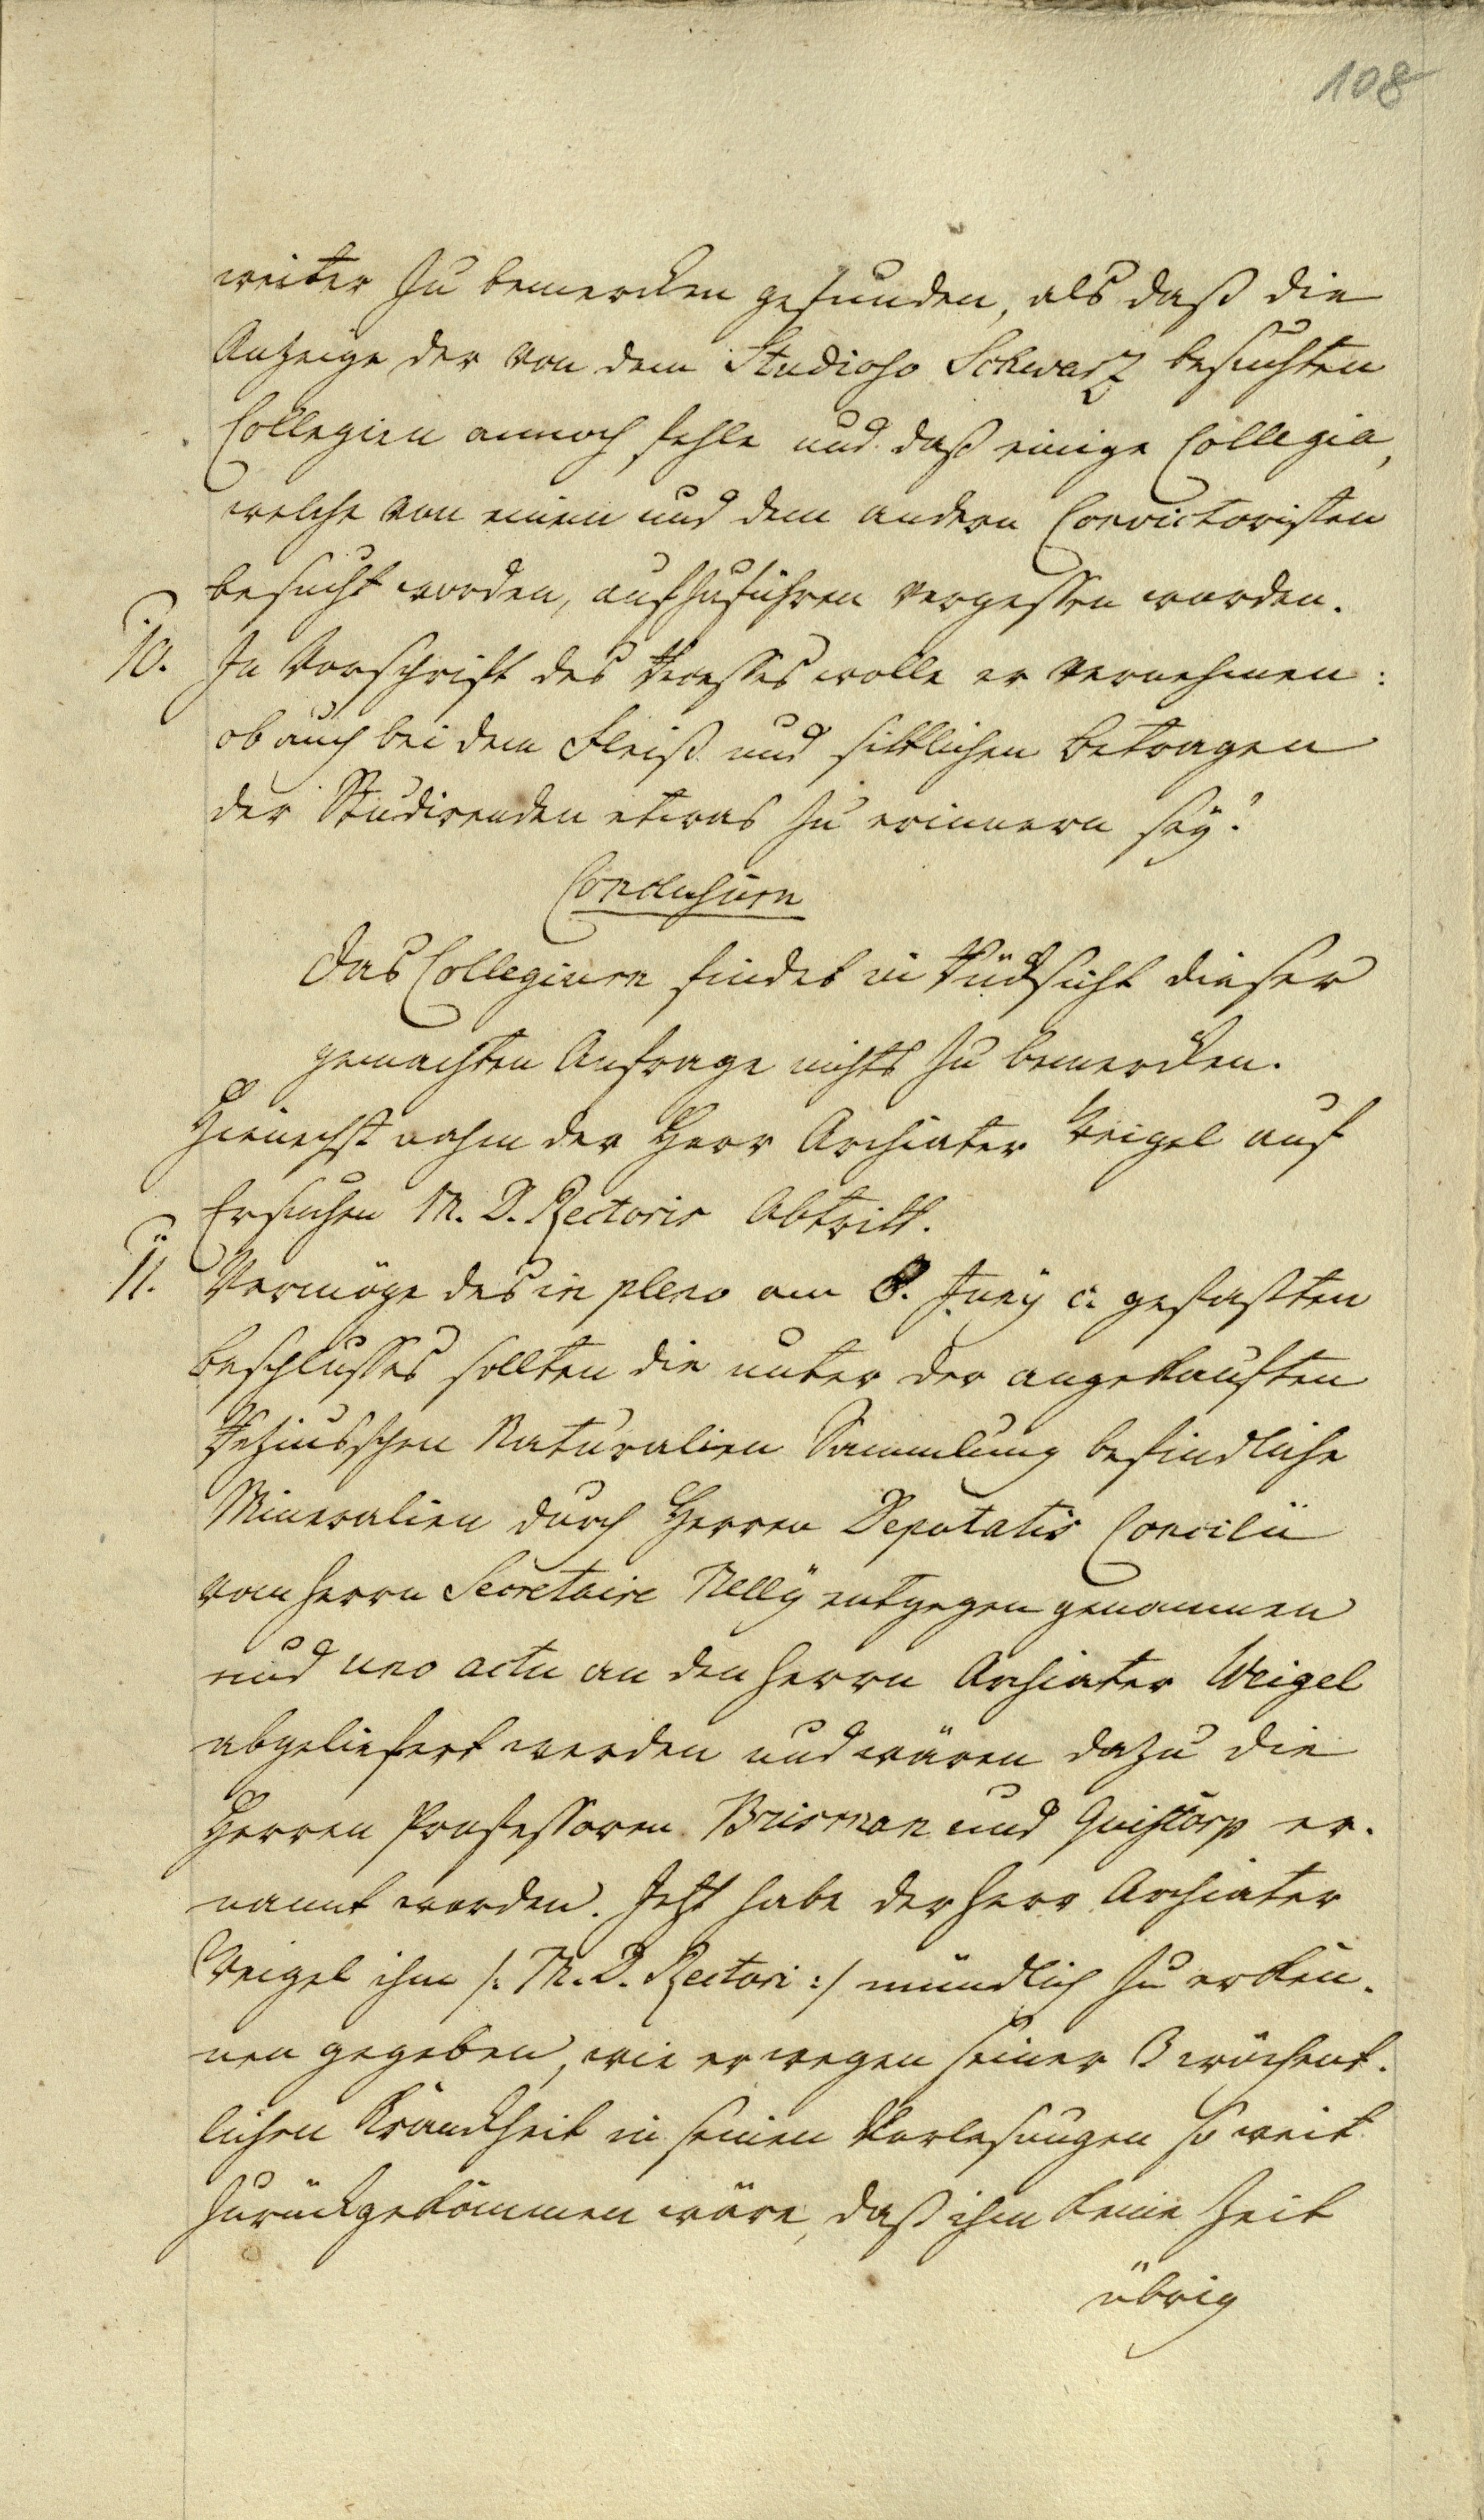weiter zu bemercken gefunden, als daß die
Anzeige der von dem Studioso Schwarz besuchten
Collegien annoch fehle und daß einige Collegia,
welche von einem und dem andern Convictoristen
besucht worden, aufzuführen vergessen worden.
10. In Vorschrift des Recesses wolle er vernehmen:
ob auch bei dem Fleiß und sittlichen Betragen
der Studirenden etwas zu erinnern seÿ?
Conclusum
Das Collegium findet in Rücksicht dieser
gemachten Anfrage nichts zu bemercken.
Hienechst nahm der Herr Archiater Weigel auf
Ersuchen M. D. Rectoris Abtritt.
11. Vermöge des in pleno am 8. Junÿ c. gefaßten
Beschlusses sollten die unter der angekauften
Reziusschen Naturalien Sammlung befindliche
Mineralien durch Herren Deputatis Concilii
vom Herrn Secretaire Nellÿ entgegen genommen
und uno actu an den Herrn Archiater Weigel
abgeliefert werden und wären dazu die
Herren Professoren Brisman und Quistorp er¬
nannt worden. Jetzt habe der Herr Archiater
Weigel ihm /: M. D. Rector :/ mündlich zu erken¬
nen gegeben, wie er wegen seiner 3 wöchent¬
lichen Kranckheit in seinen Vorlesungen so weit
zurückgekommen wäre, daß ihm keine Zeit
übrig